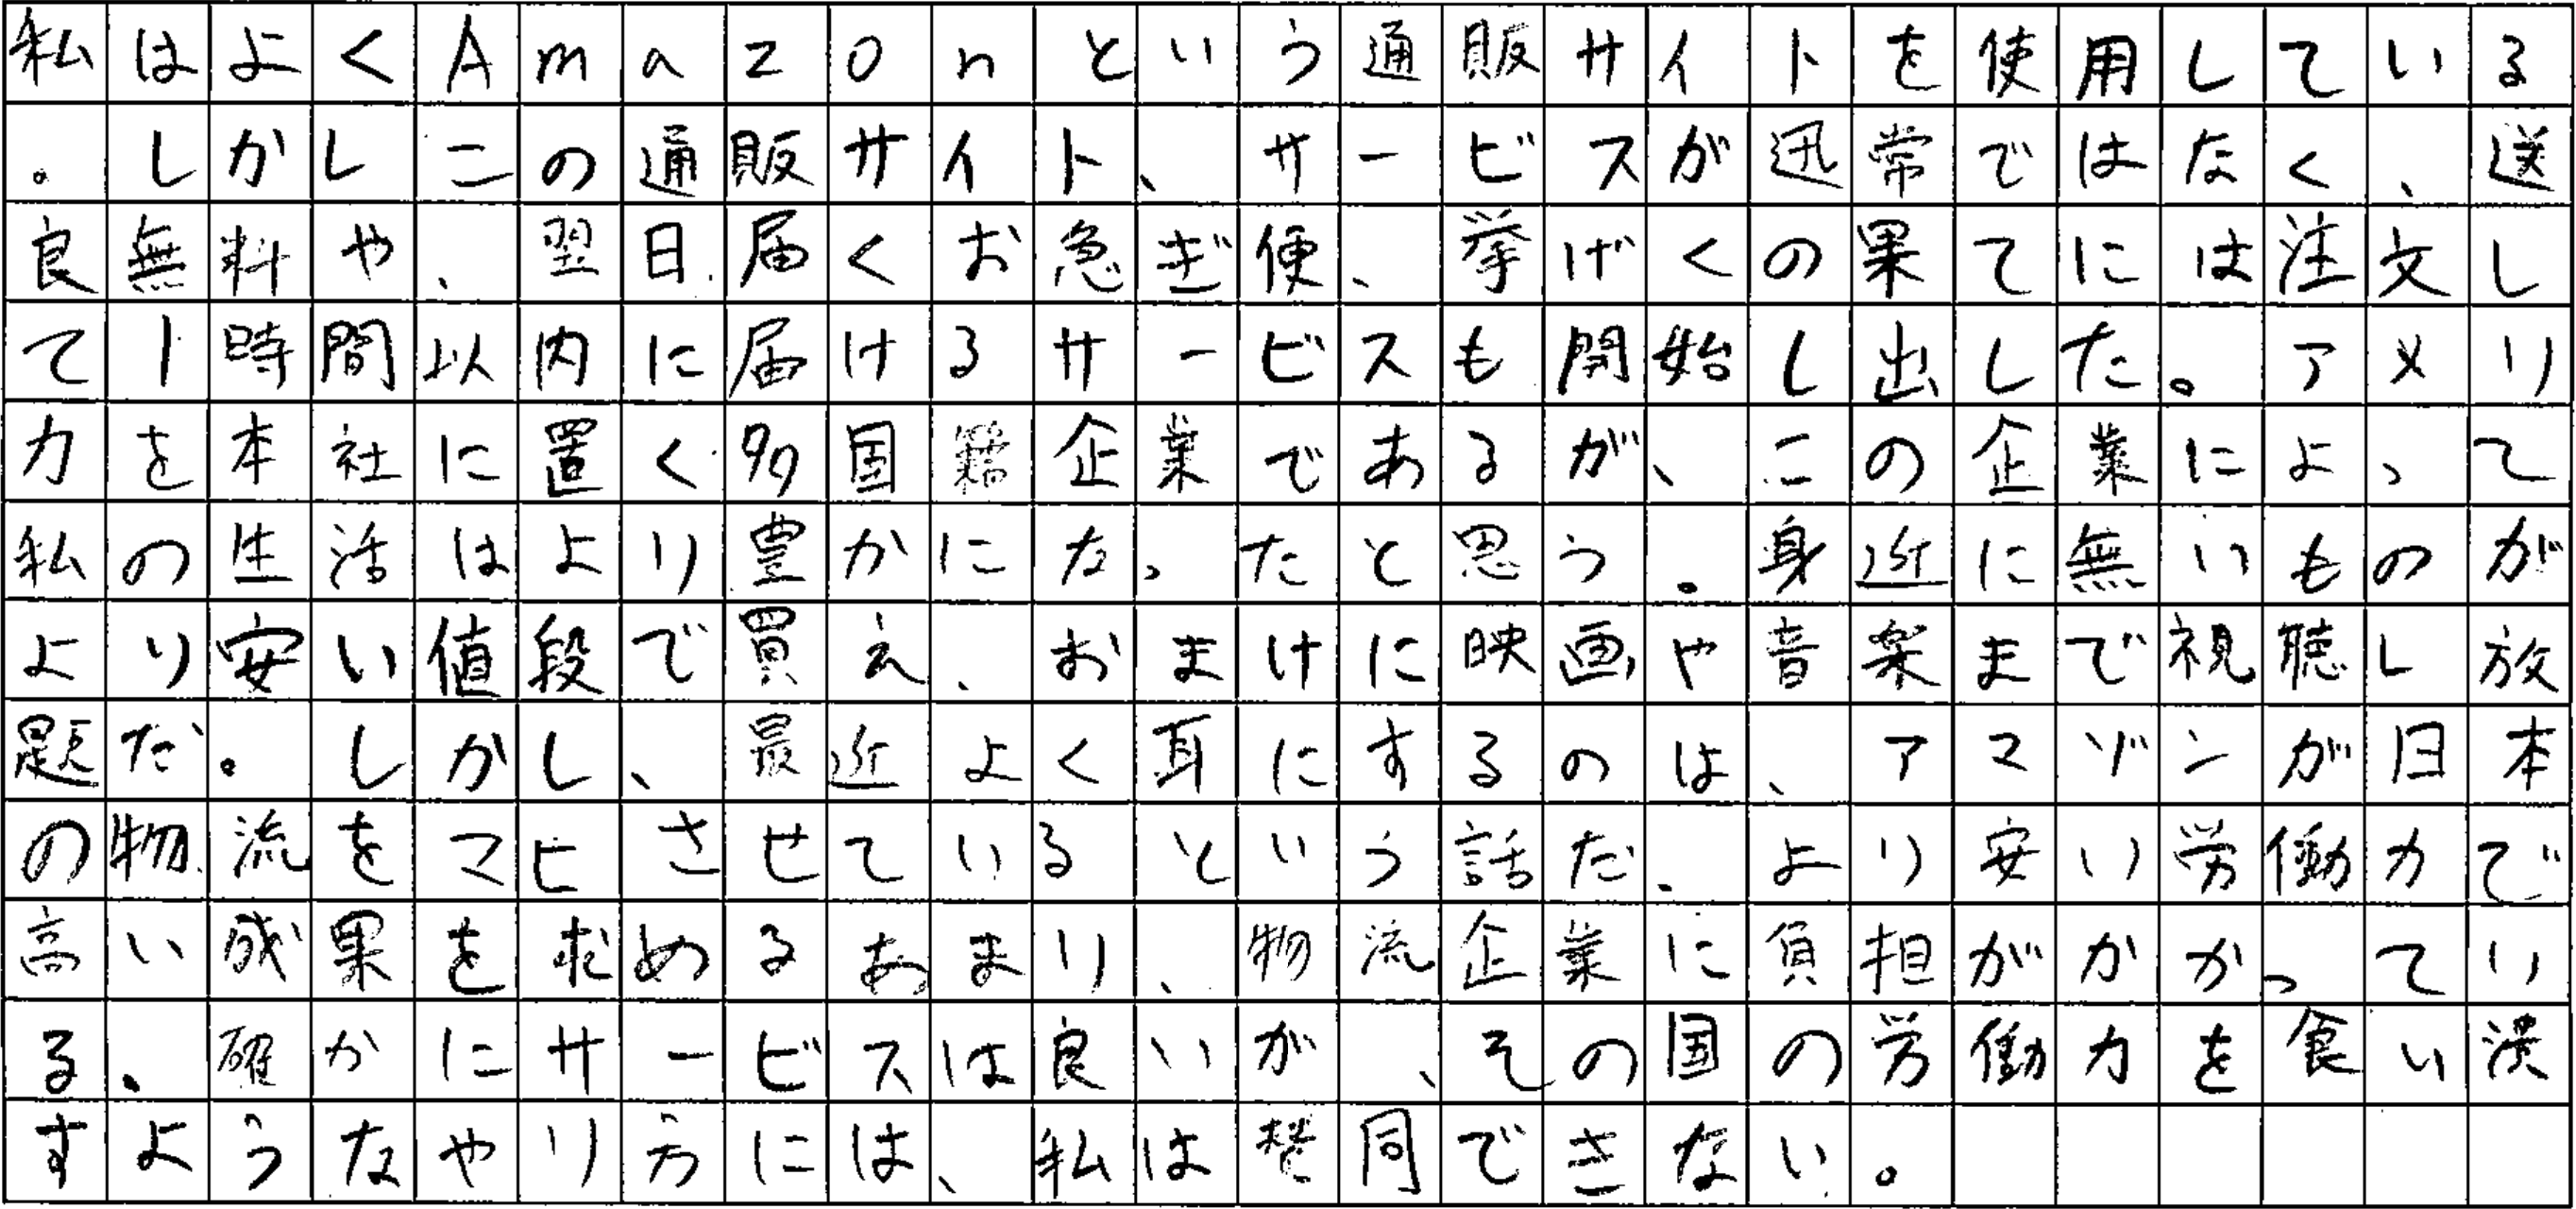私はよくＡｍａｚｏｎという通販サイトを使用している。しかしこの通販サイト、サービスが迅常ではなく、送良無料や、翌日届くお急ぎ便、挙げくの果てには注文して１時間以内に届けるサービスも開始し出した。アメリカを本社に置く多国籍企業であるが、この企業によって私の生活はより豊かになったと思う。身近に無いものがより安い値段で買え、おまけに映画や音楽まで視聴し放題だ。しかし、最近よく耳にするのは、アマゾンが日本の物流をマヒさせているという話だ。より安い労働力で高い成果を求めるあまり、物流企業に負担がかかっている。確かにサービスは良いが、その国の労働力を食い潰すようなやり方には、私は賛同できない。
